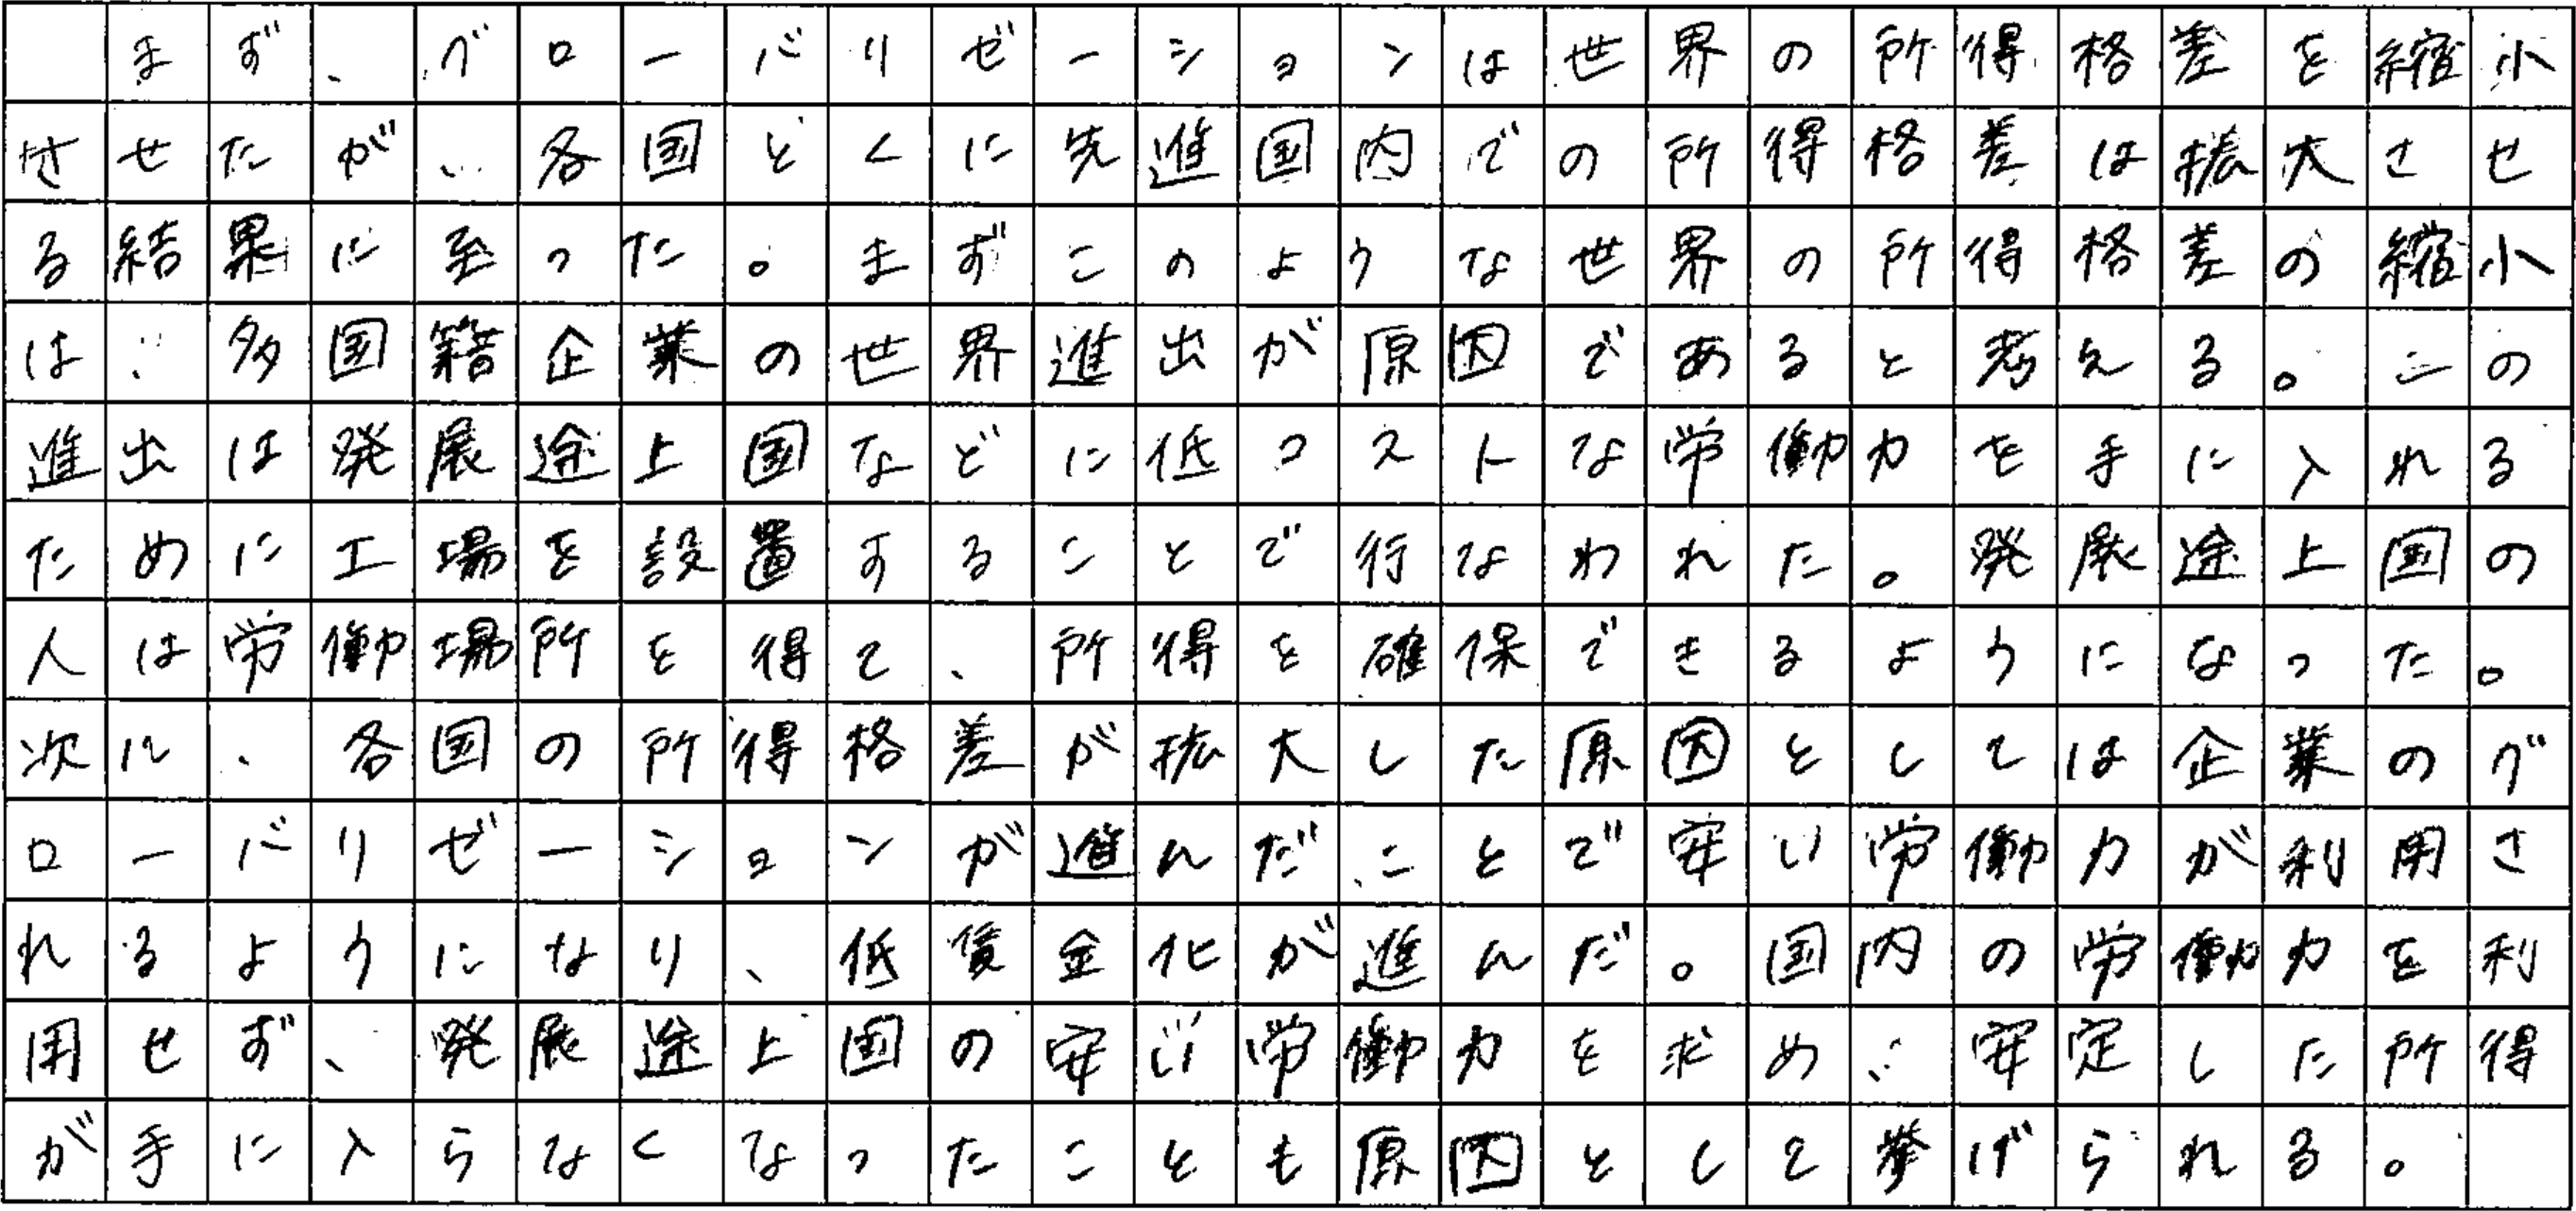　まず、グローバリゼーションは世界の所得格差を縮小させたが、各国とくに先進国内での所得格差は拡大させる結果に至った。まずこのような世界の所得格差の縮小は、多国籍企業の世界進出が原因であると考える。この進出は発展途上国などに低コストな労働力を手に入れるために工場を設置することで行なわれた。発展途上国の人は労働場所を得て、所得を確保できるようになった。次に、各国の所得格差が拡大した原因としては企業のグローバリゼーションが進んだことで安い労働力が利用されるようになり、低賃金化が進んだ。国内の労働力を利用せず、発展途上国の安い労働力を求め、安定した所得が手に入らなくなったことも原因として挙げられる。
